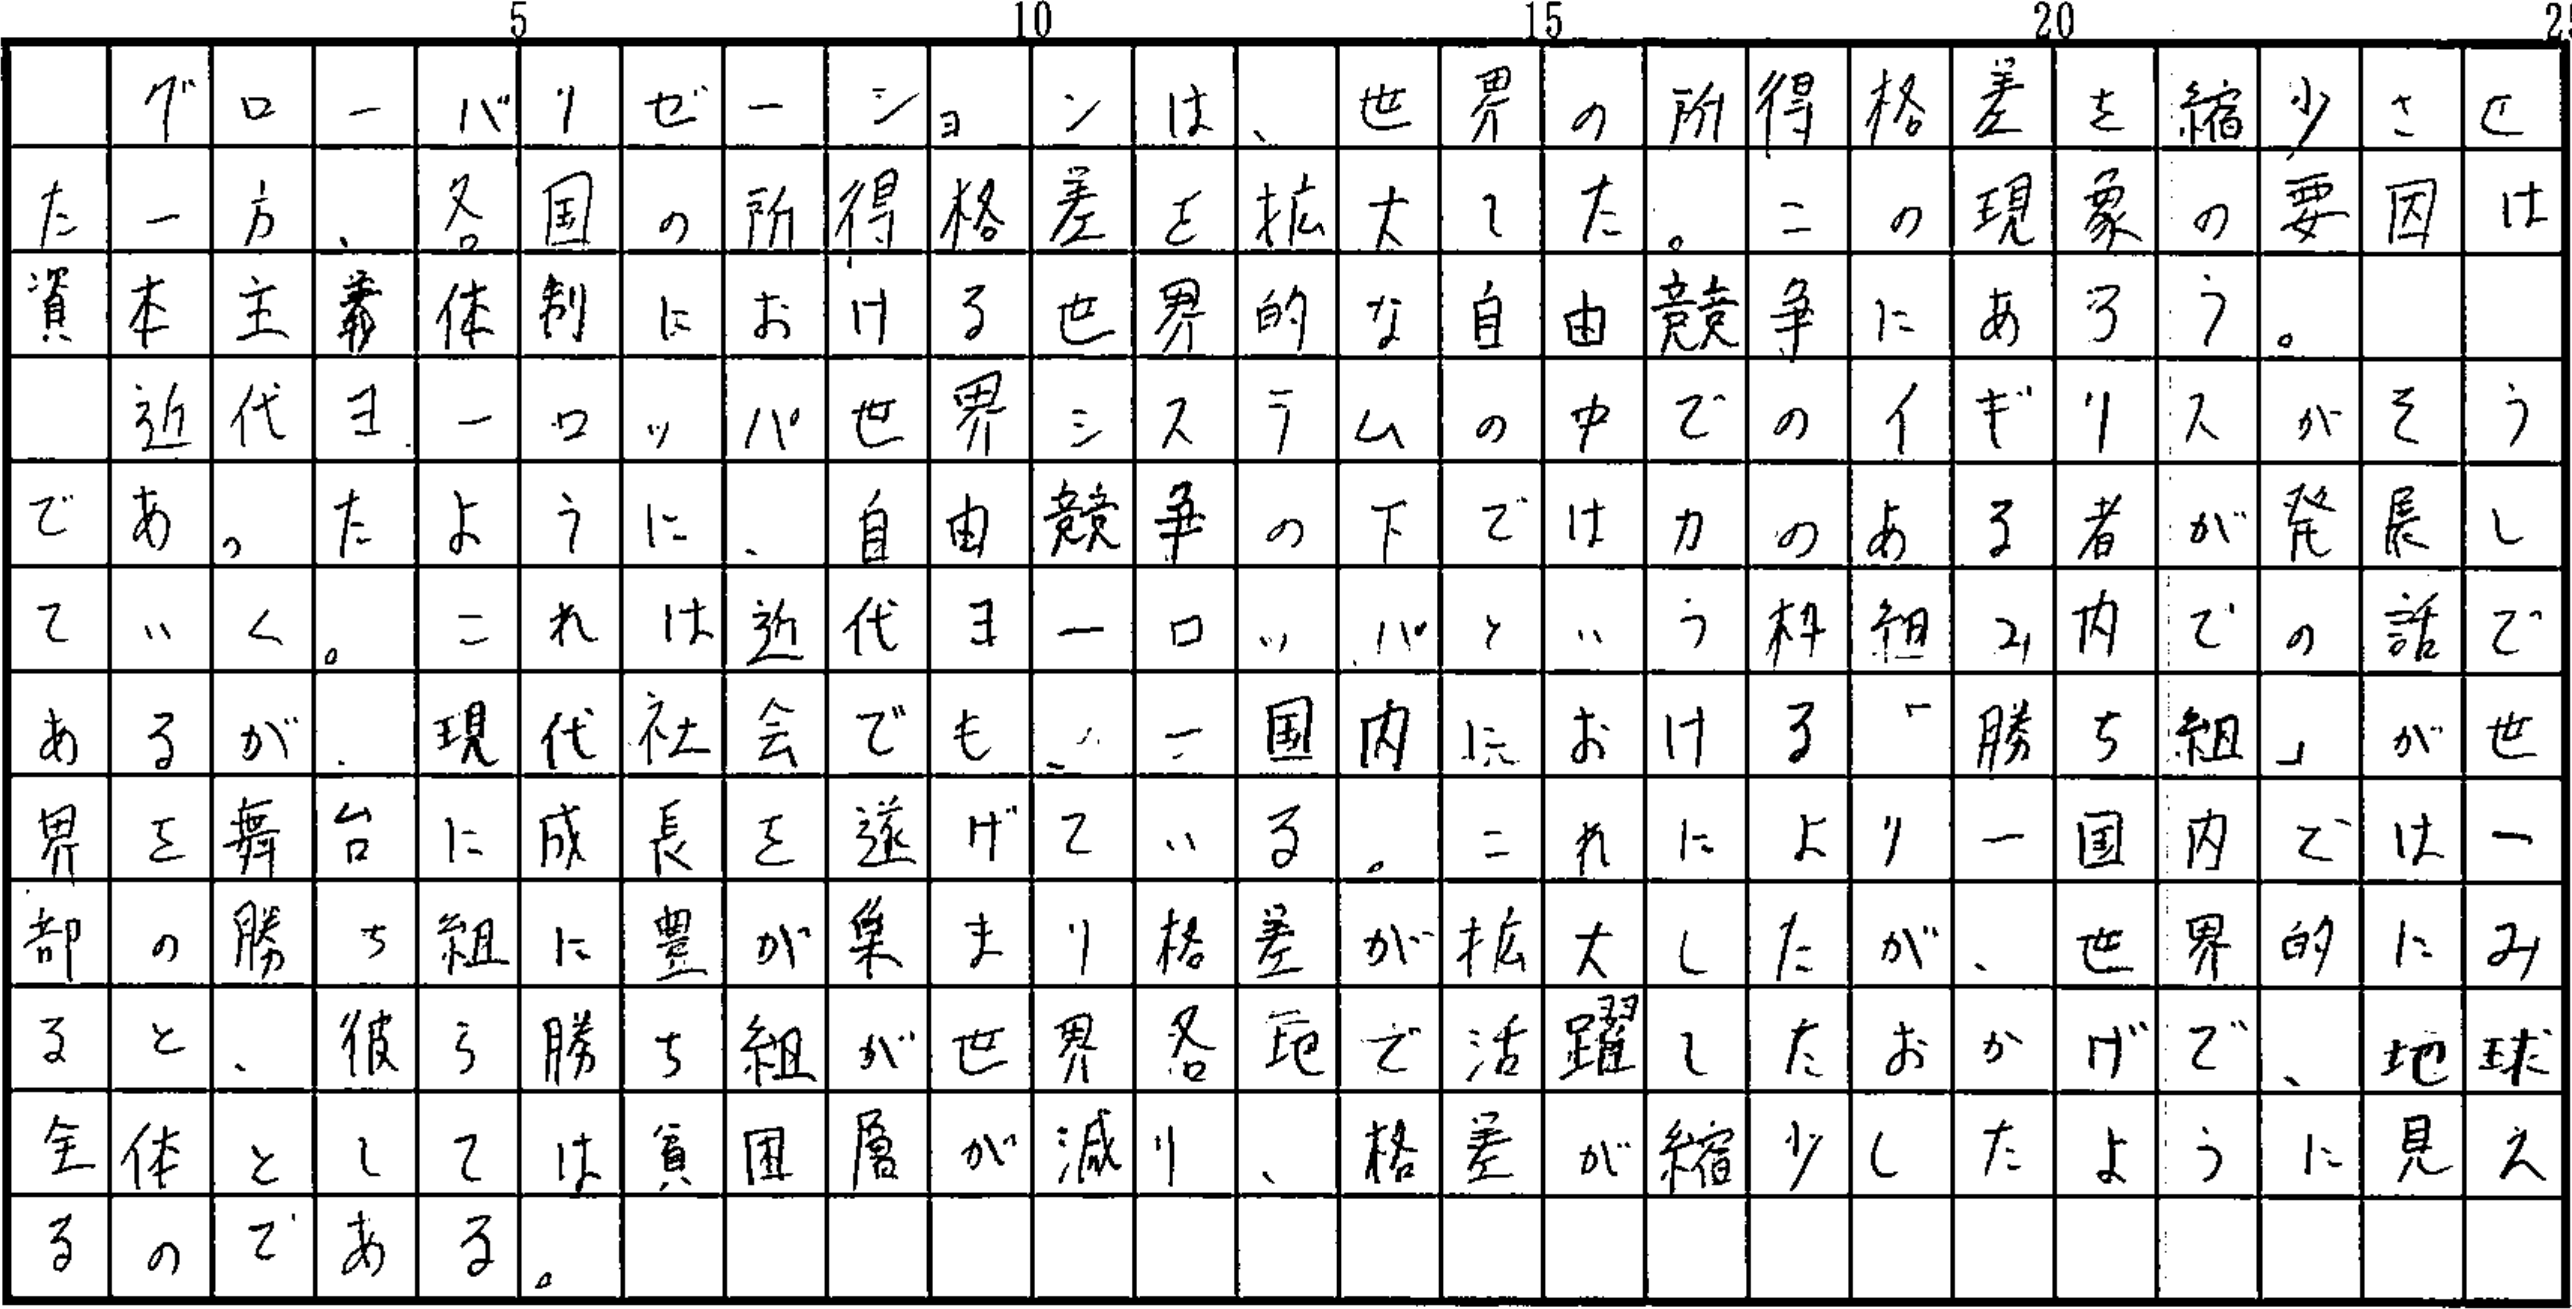　グローバリゼーションは、世界の所得格差を縮少させた一方、各国の所得格差を拡大した。この現象の要因は資本主義体制における世界的な自由競争にあろう。
　近代ヨーロッパ世界システムの中でのイギリスがそうであったように、自由競争の下では力のある者が発展していく。これは近代ヨーロッパという枠組み内での話であるが、現代社会でも、一国内における「勝ち組」が世界を舞台に成長を遂げている。これにより一国内では一部の勝ち組に豊が集まり格差が拡大したが、世界的にみると、彼ら勝ち組が世界各地で活躍したおかげで、地球全体としては貧困層が減り、格差が縮少したように見えるのである。
